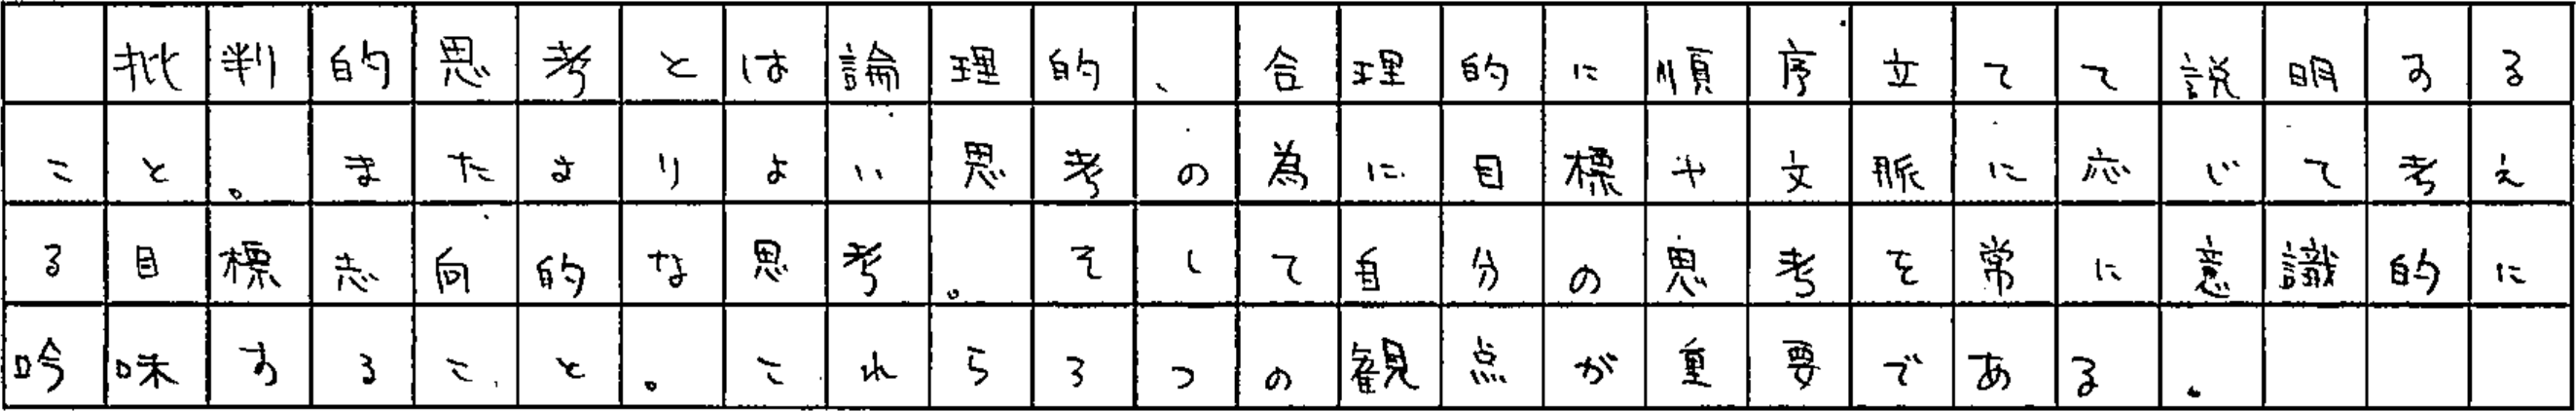　批判的思考とは論理的、合理的に順序立てて説明すること。またよりよい思考の為に目標や文脈に応じて考える目標志向的な思考。そして自分の思考を常に意識的に吟味すること。これら３つの観点が重要である。
